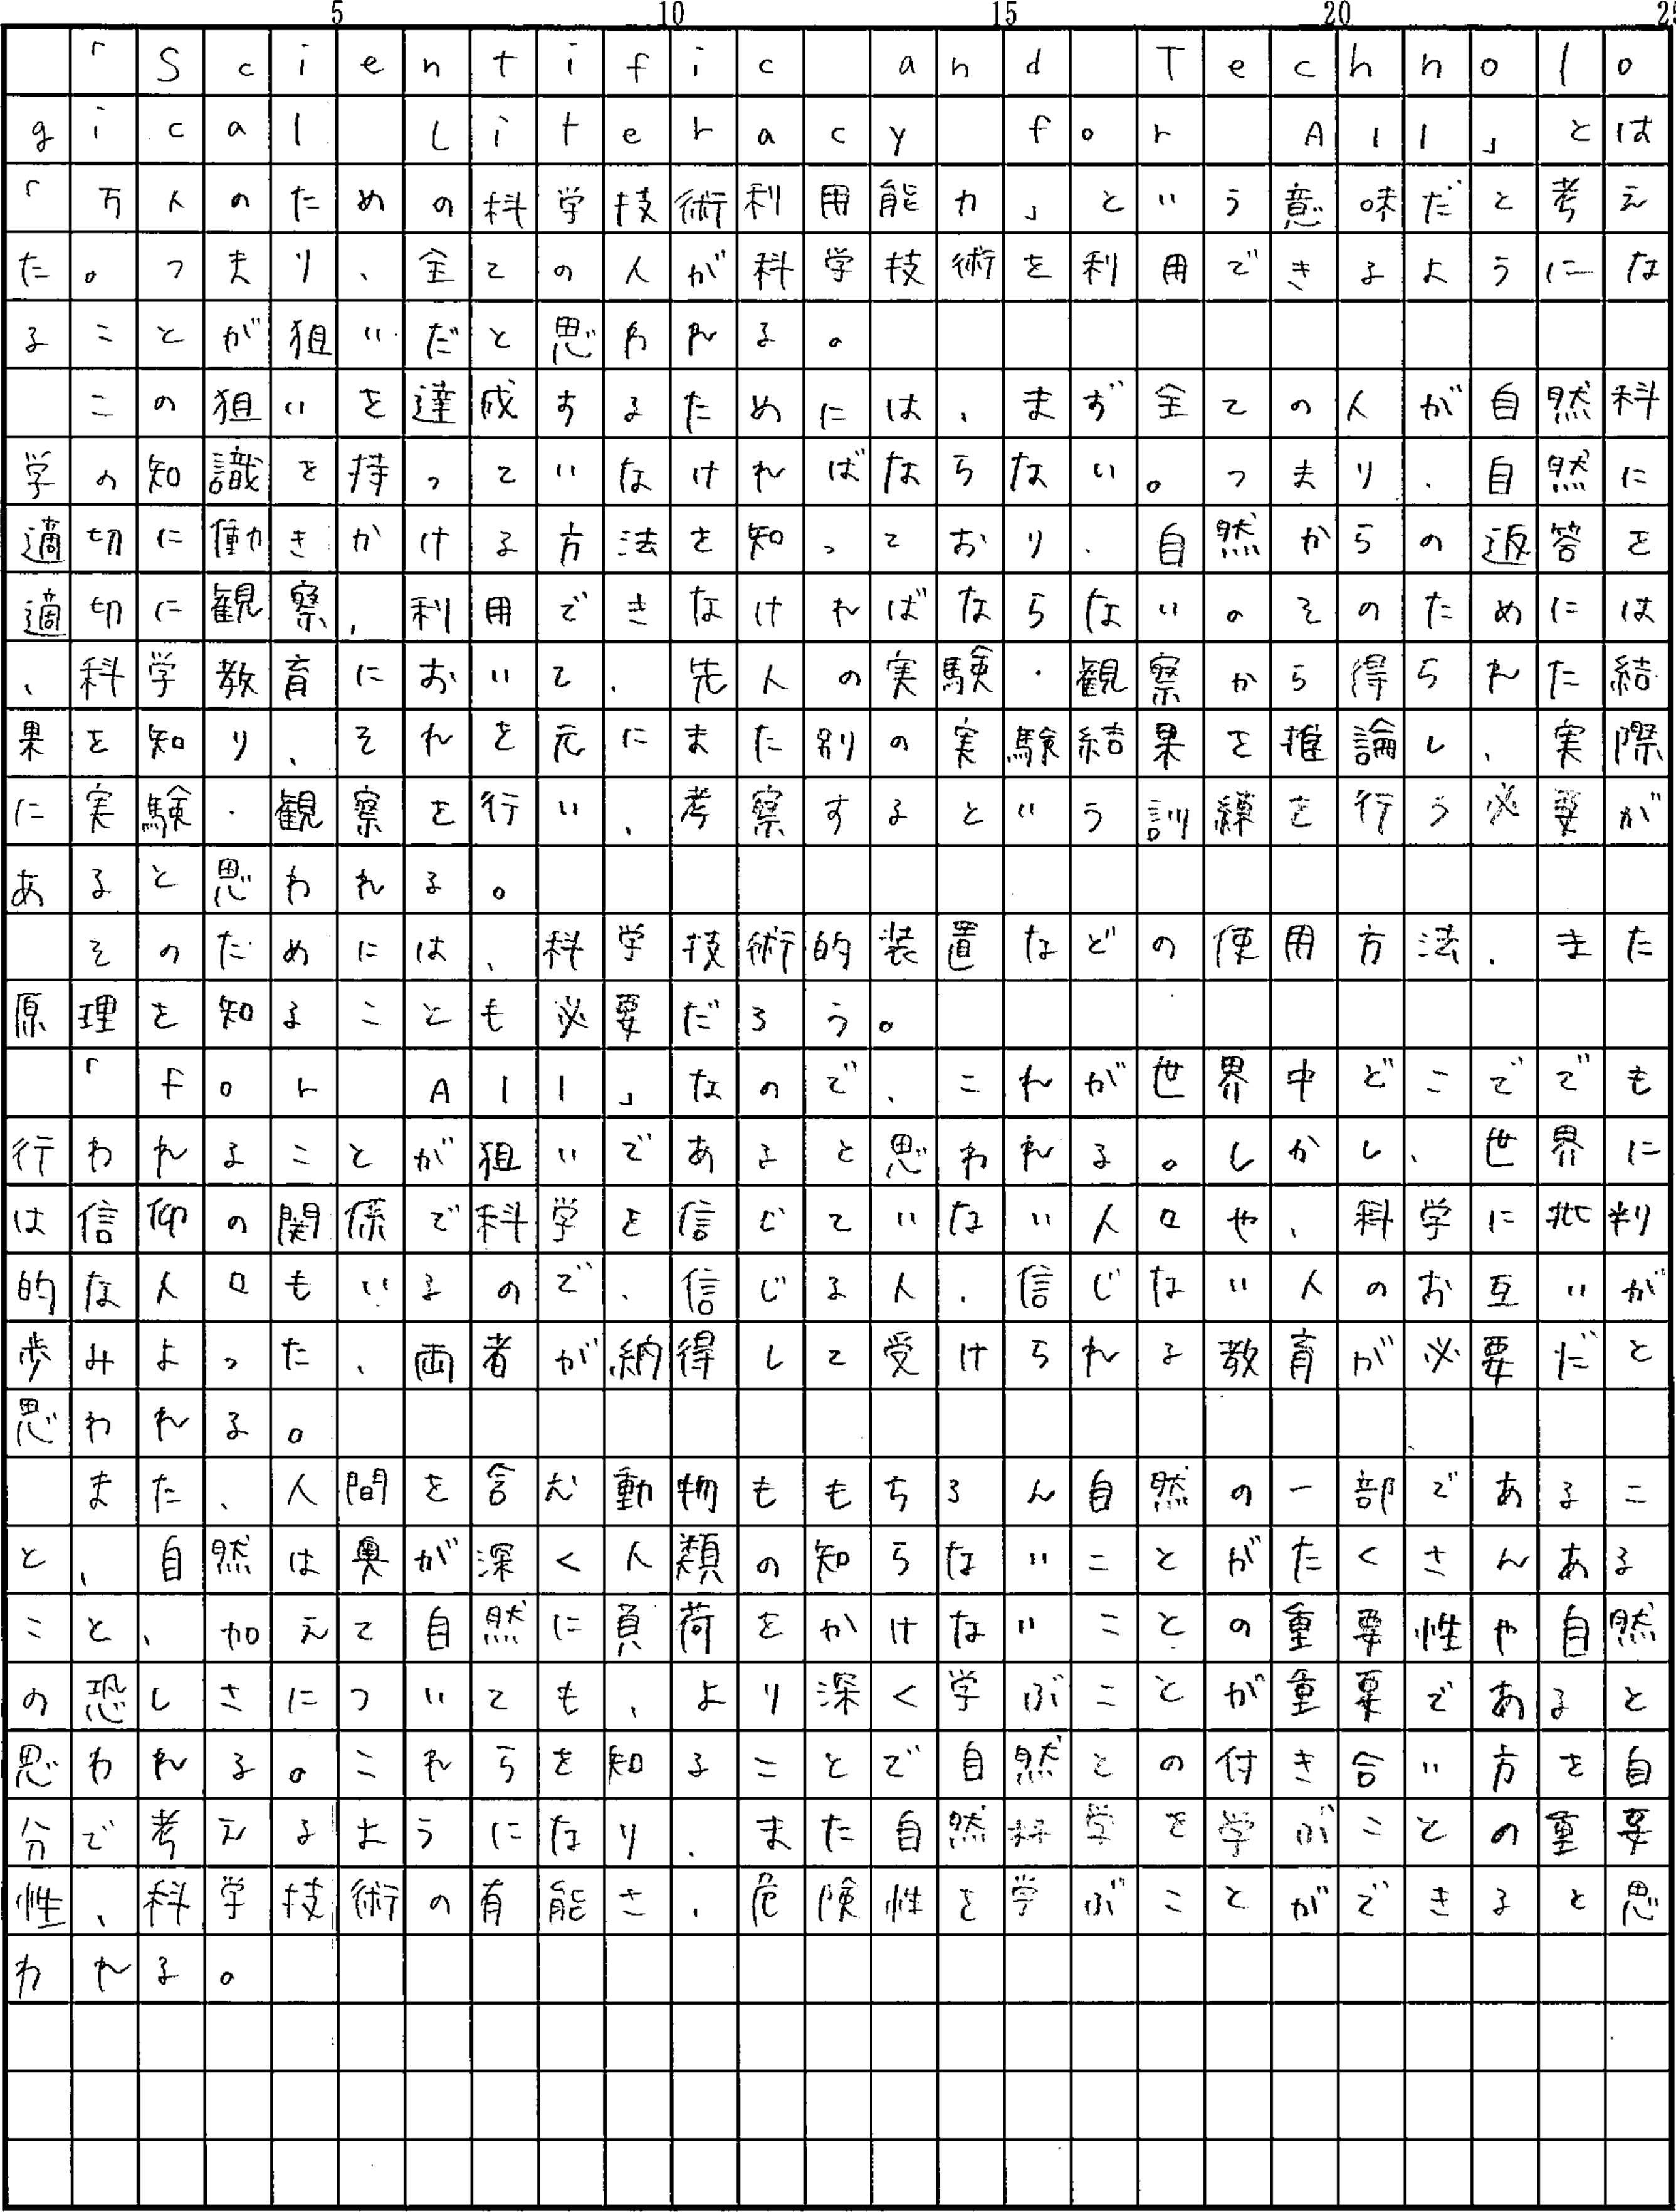　「Ｓｃｉｅｎｔｉｆｉｃ　ａｎｄ　Ｔｅｃｈｎｏｌｏｇｉｃａｌ　Ｌｉｔｅｒａｃｙ　ｆｏｒ　Ａｌｌ」とは「万人のための科学技術利用能力」という意味だと考えた。つまり、全ての人が科学技術を利用できるようになることが狙いだと思われる。
　この狙いを達成するためには、まず全ての人が自然科学の知識を持っていなければならない。つまり、自然に適切に働きかける方法を知っており、自然からの返答を適切に観察、利用できなければならない。そのためには、科学教育において、先人の実験・観察から得られた結果を知り、それを元にまた別の実験結果を推論し、実際に実験・観察を行い、考察するという訓練を行う必要があると思われる。
　そのためには、科学技術的装置などの使用方法、また原理を知ることも必要だろう。
　「ｆｏｒ　Ａｌｌ」なので、これが世界中どこででも行われることが狙いであると思われる。しかし、世界には信仰の関係で科学を信じていない人々や、科学に批判的な人々もいるので、信じる人、信じない人のお互いが歩みよった、両者が納得して受けられる教育が必要だと思われる。
　また、人間を含む動物ももちろん自然の一部であること、自然は奥が深く人類の知らないことがたくさんあること、加えて自然に負荷をかけないことの重要性や自然の恐しさについても、より深く学ぶことが重要であると思われる。これらを知ることで自然との付き合い方を自分で考えるようになり、また自然科学を学ぶことの重要性、科学技術の有能さ、危険性を学ぶことができると思われる。
